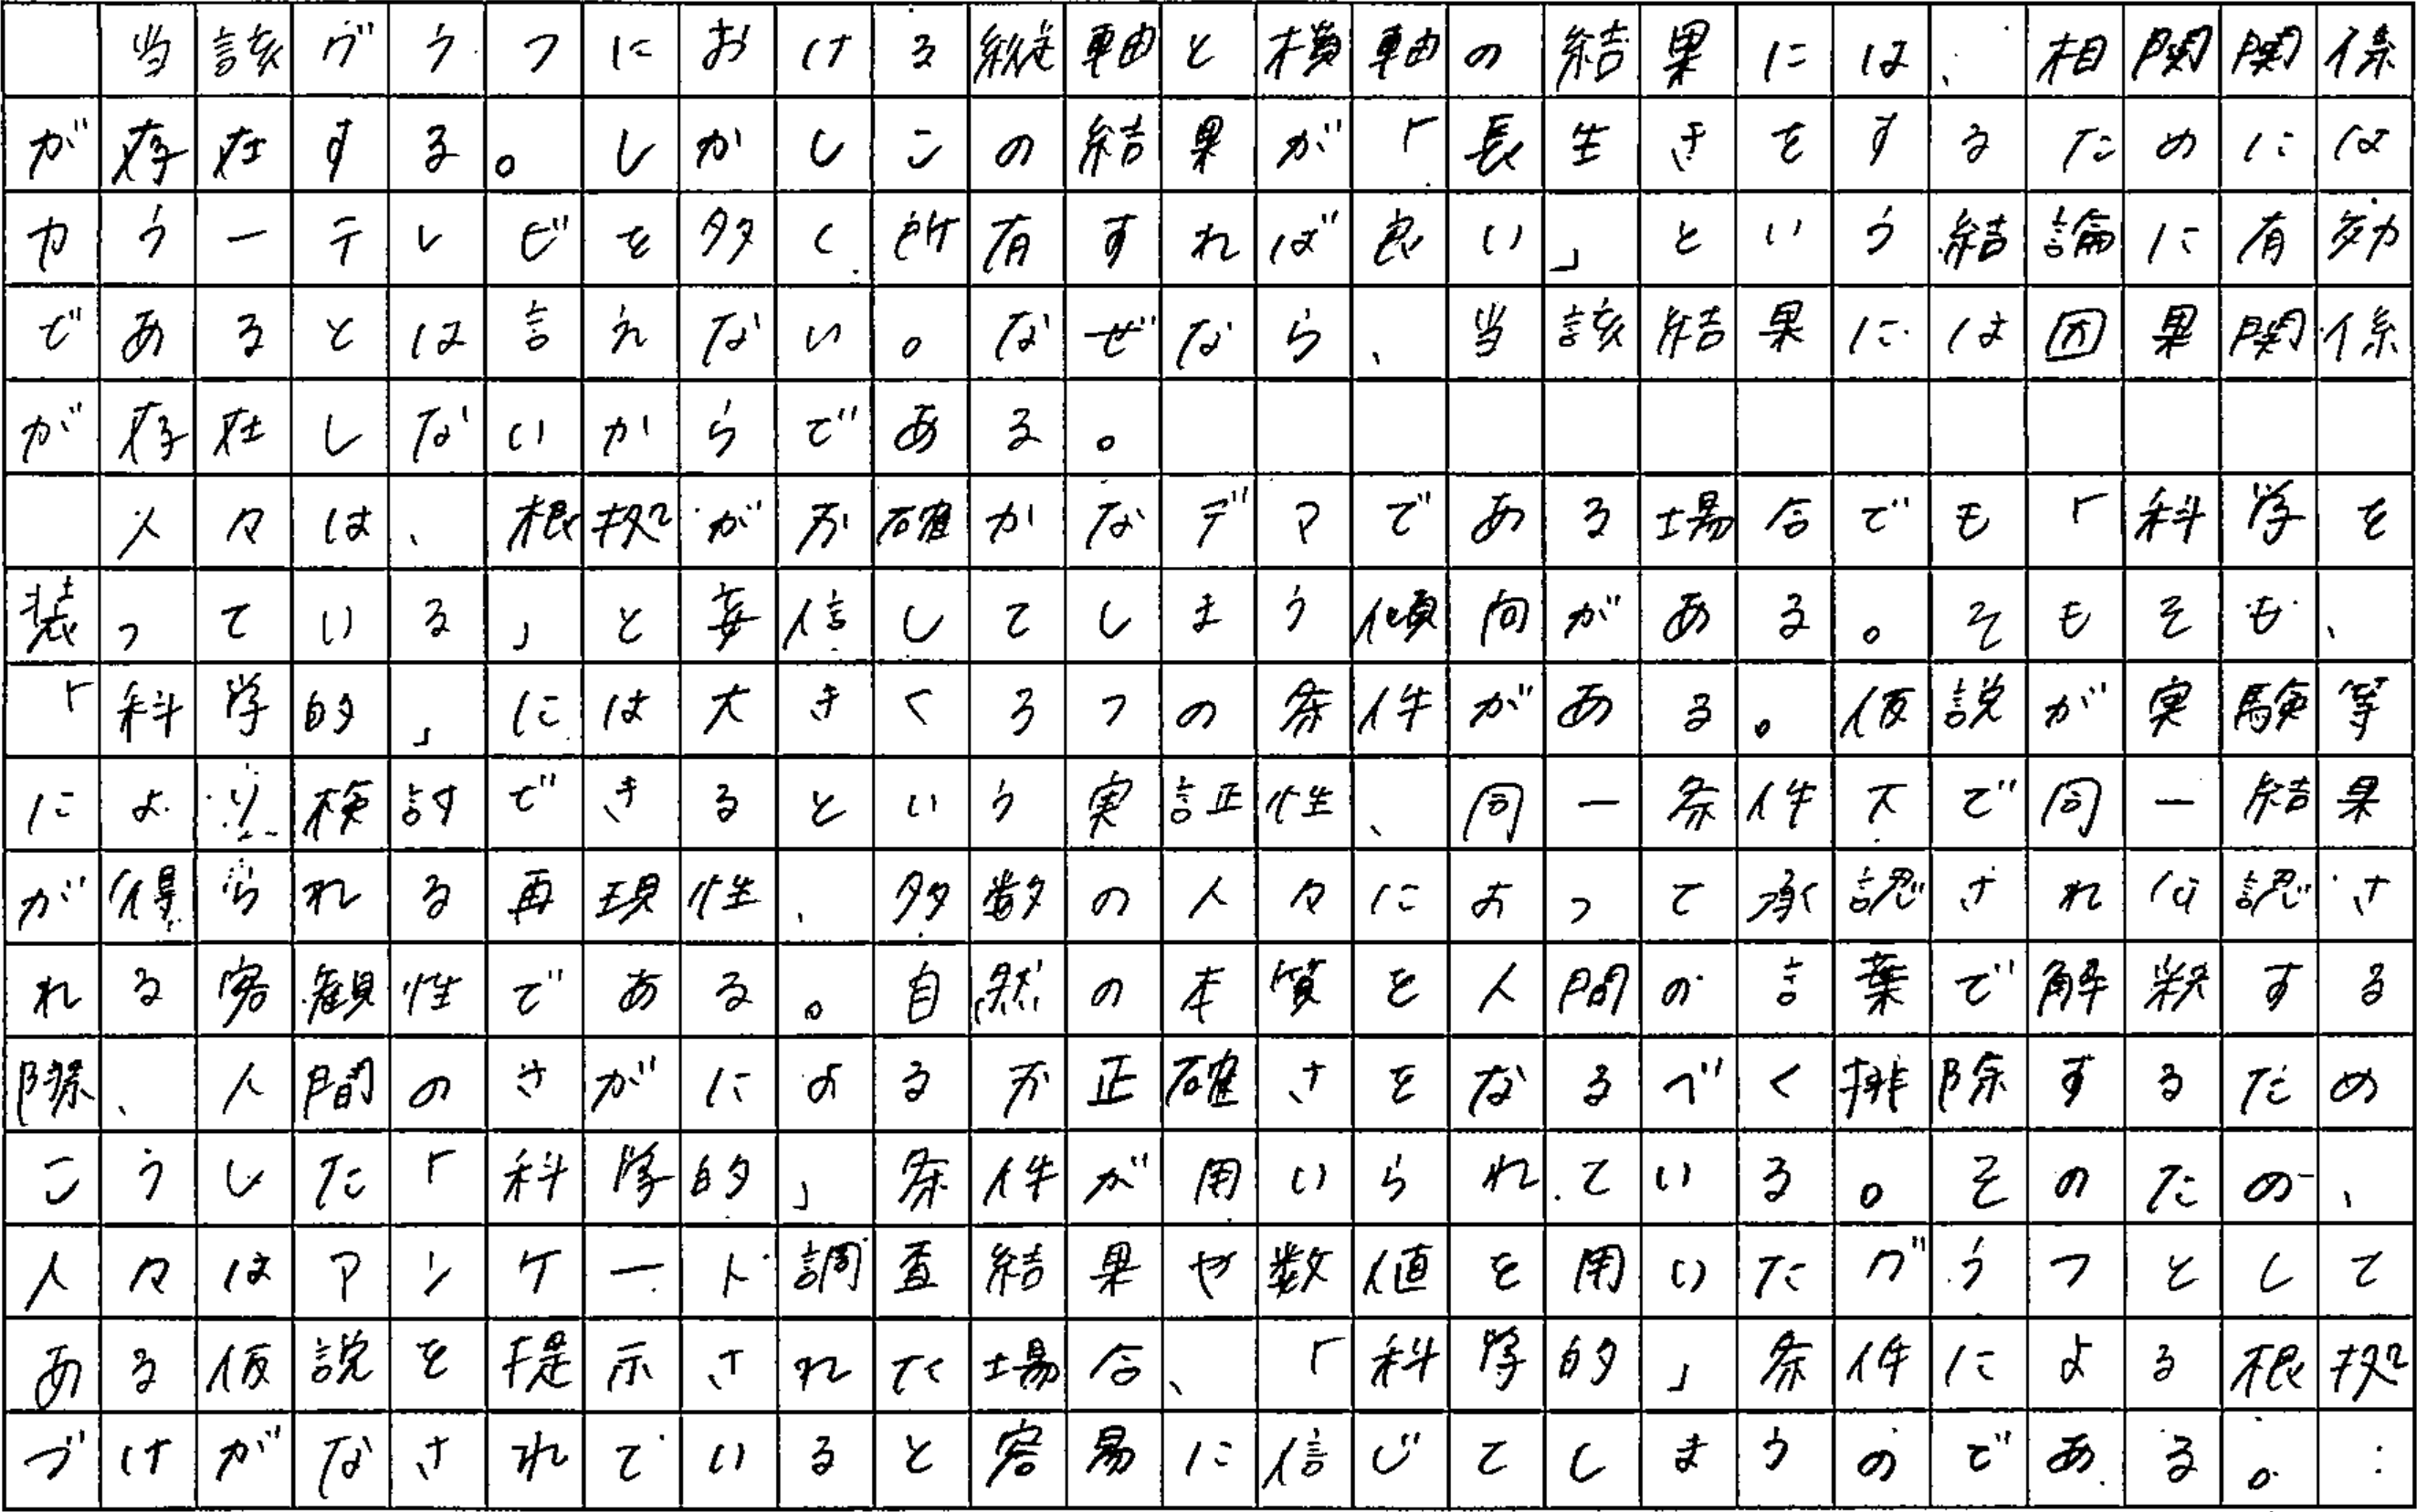　当該グラフにおける縦軸と横軸の結果には、相関関係が存在する。しかしこの結果が「長生きをするためにはカラーテレビを多く所有すれば良い」という結論に有効であるとは言えない。なぜなら、当該結果には因果関係が存在しないからである。
　人々は、根拠が不確かなデマである場合でも「科学を装っている」と妄信してしまう傾向がある。そもそも、「科学的」には大きく３つの条件がある。仮説が実験等により検討できるという実証性、同一条件下で同一結果が得られる再現性、多数の人々によって承認され公認される客観性である。自然の本質を人間の言葉で解釈する際、人間のさがによる不正確さをなるべく排除するためこうした「科学的」条件が用いられている。そのため、人々はアンケート調査結果や数値を用いたグラフとしてある仮説を提示された場合、「科学的」条件による根拠づけがなされていると容易に信じてしまうのである。
